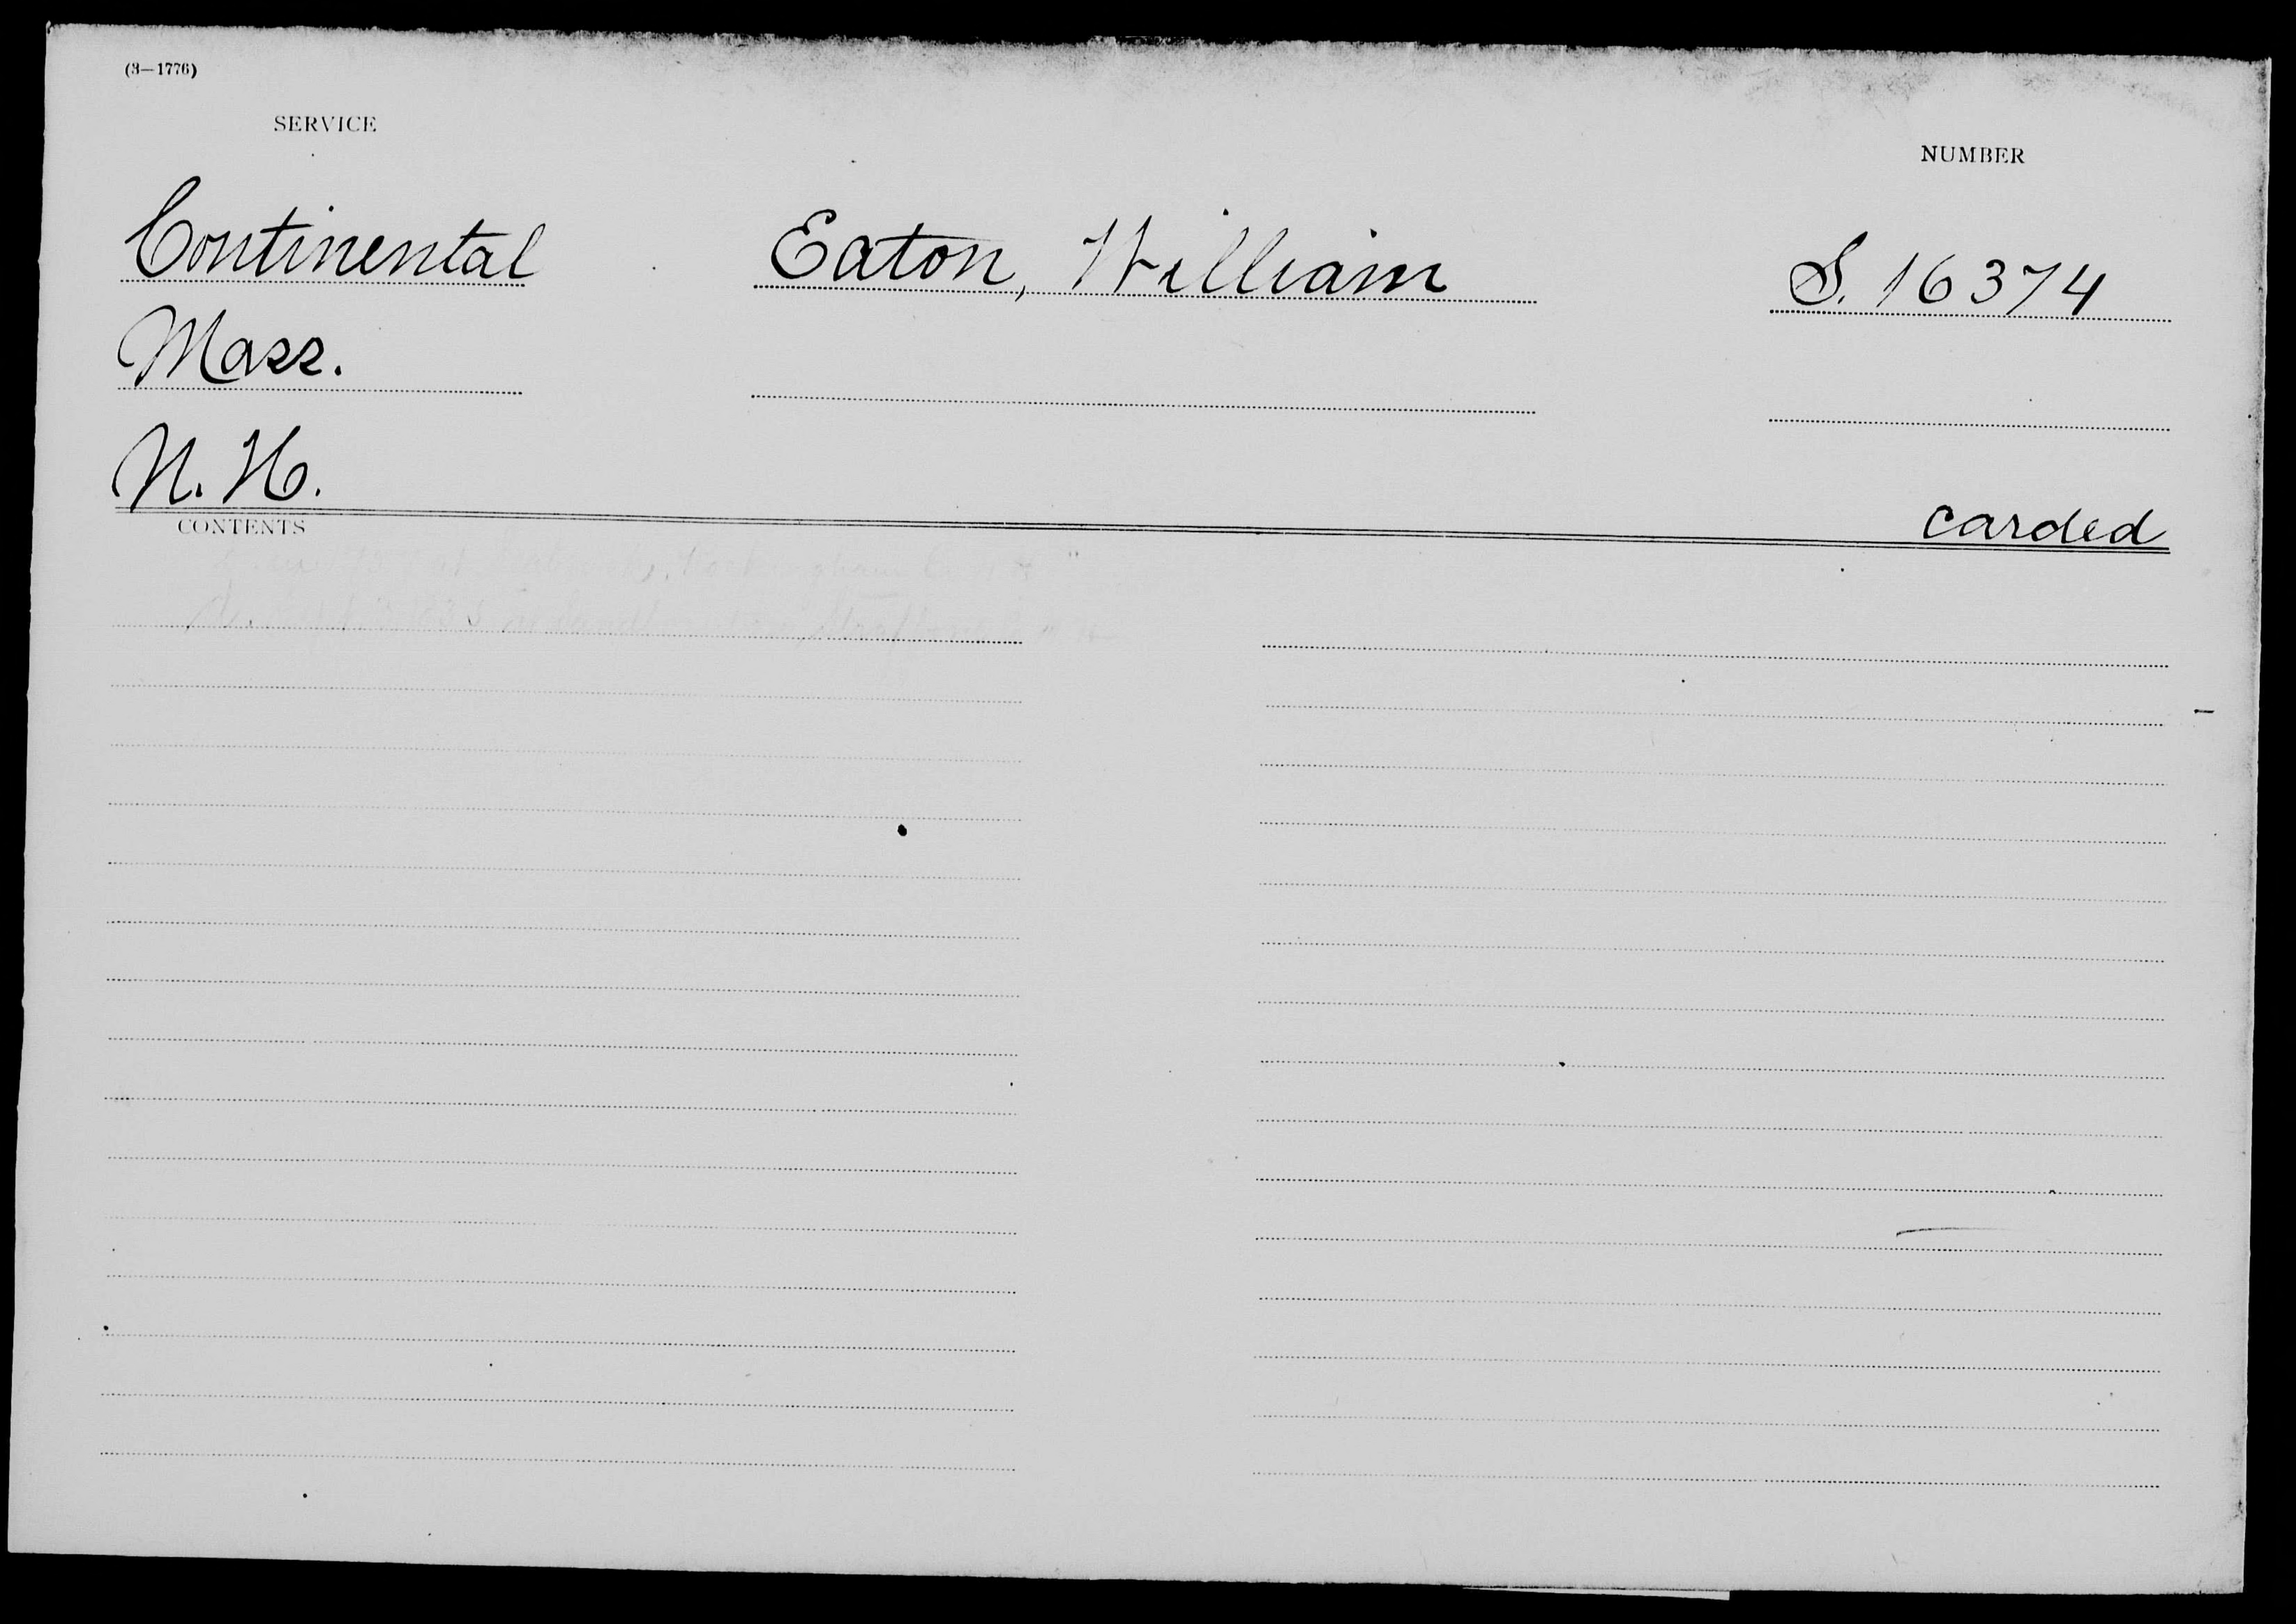(3 - 1776) 
SERVICE Continental Mass. N. H. 
Eaton William 
NUMBER S. 16374
carded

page: 2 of 21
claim: survivor's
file: S. 16374, William Eaton, Continental Mass. N.H.